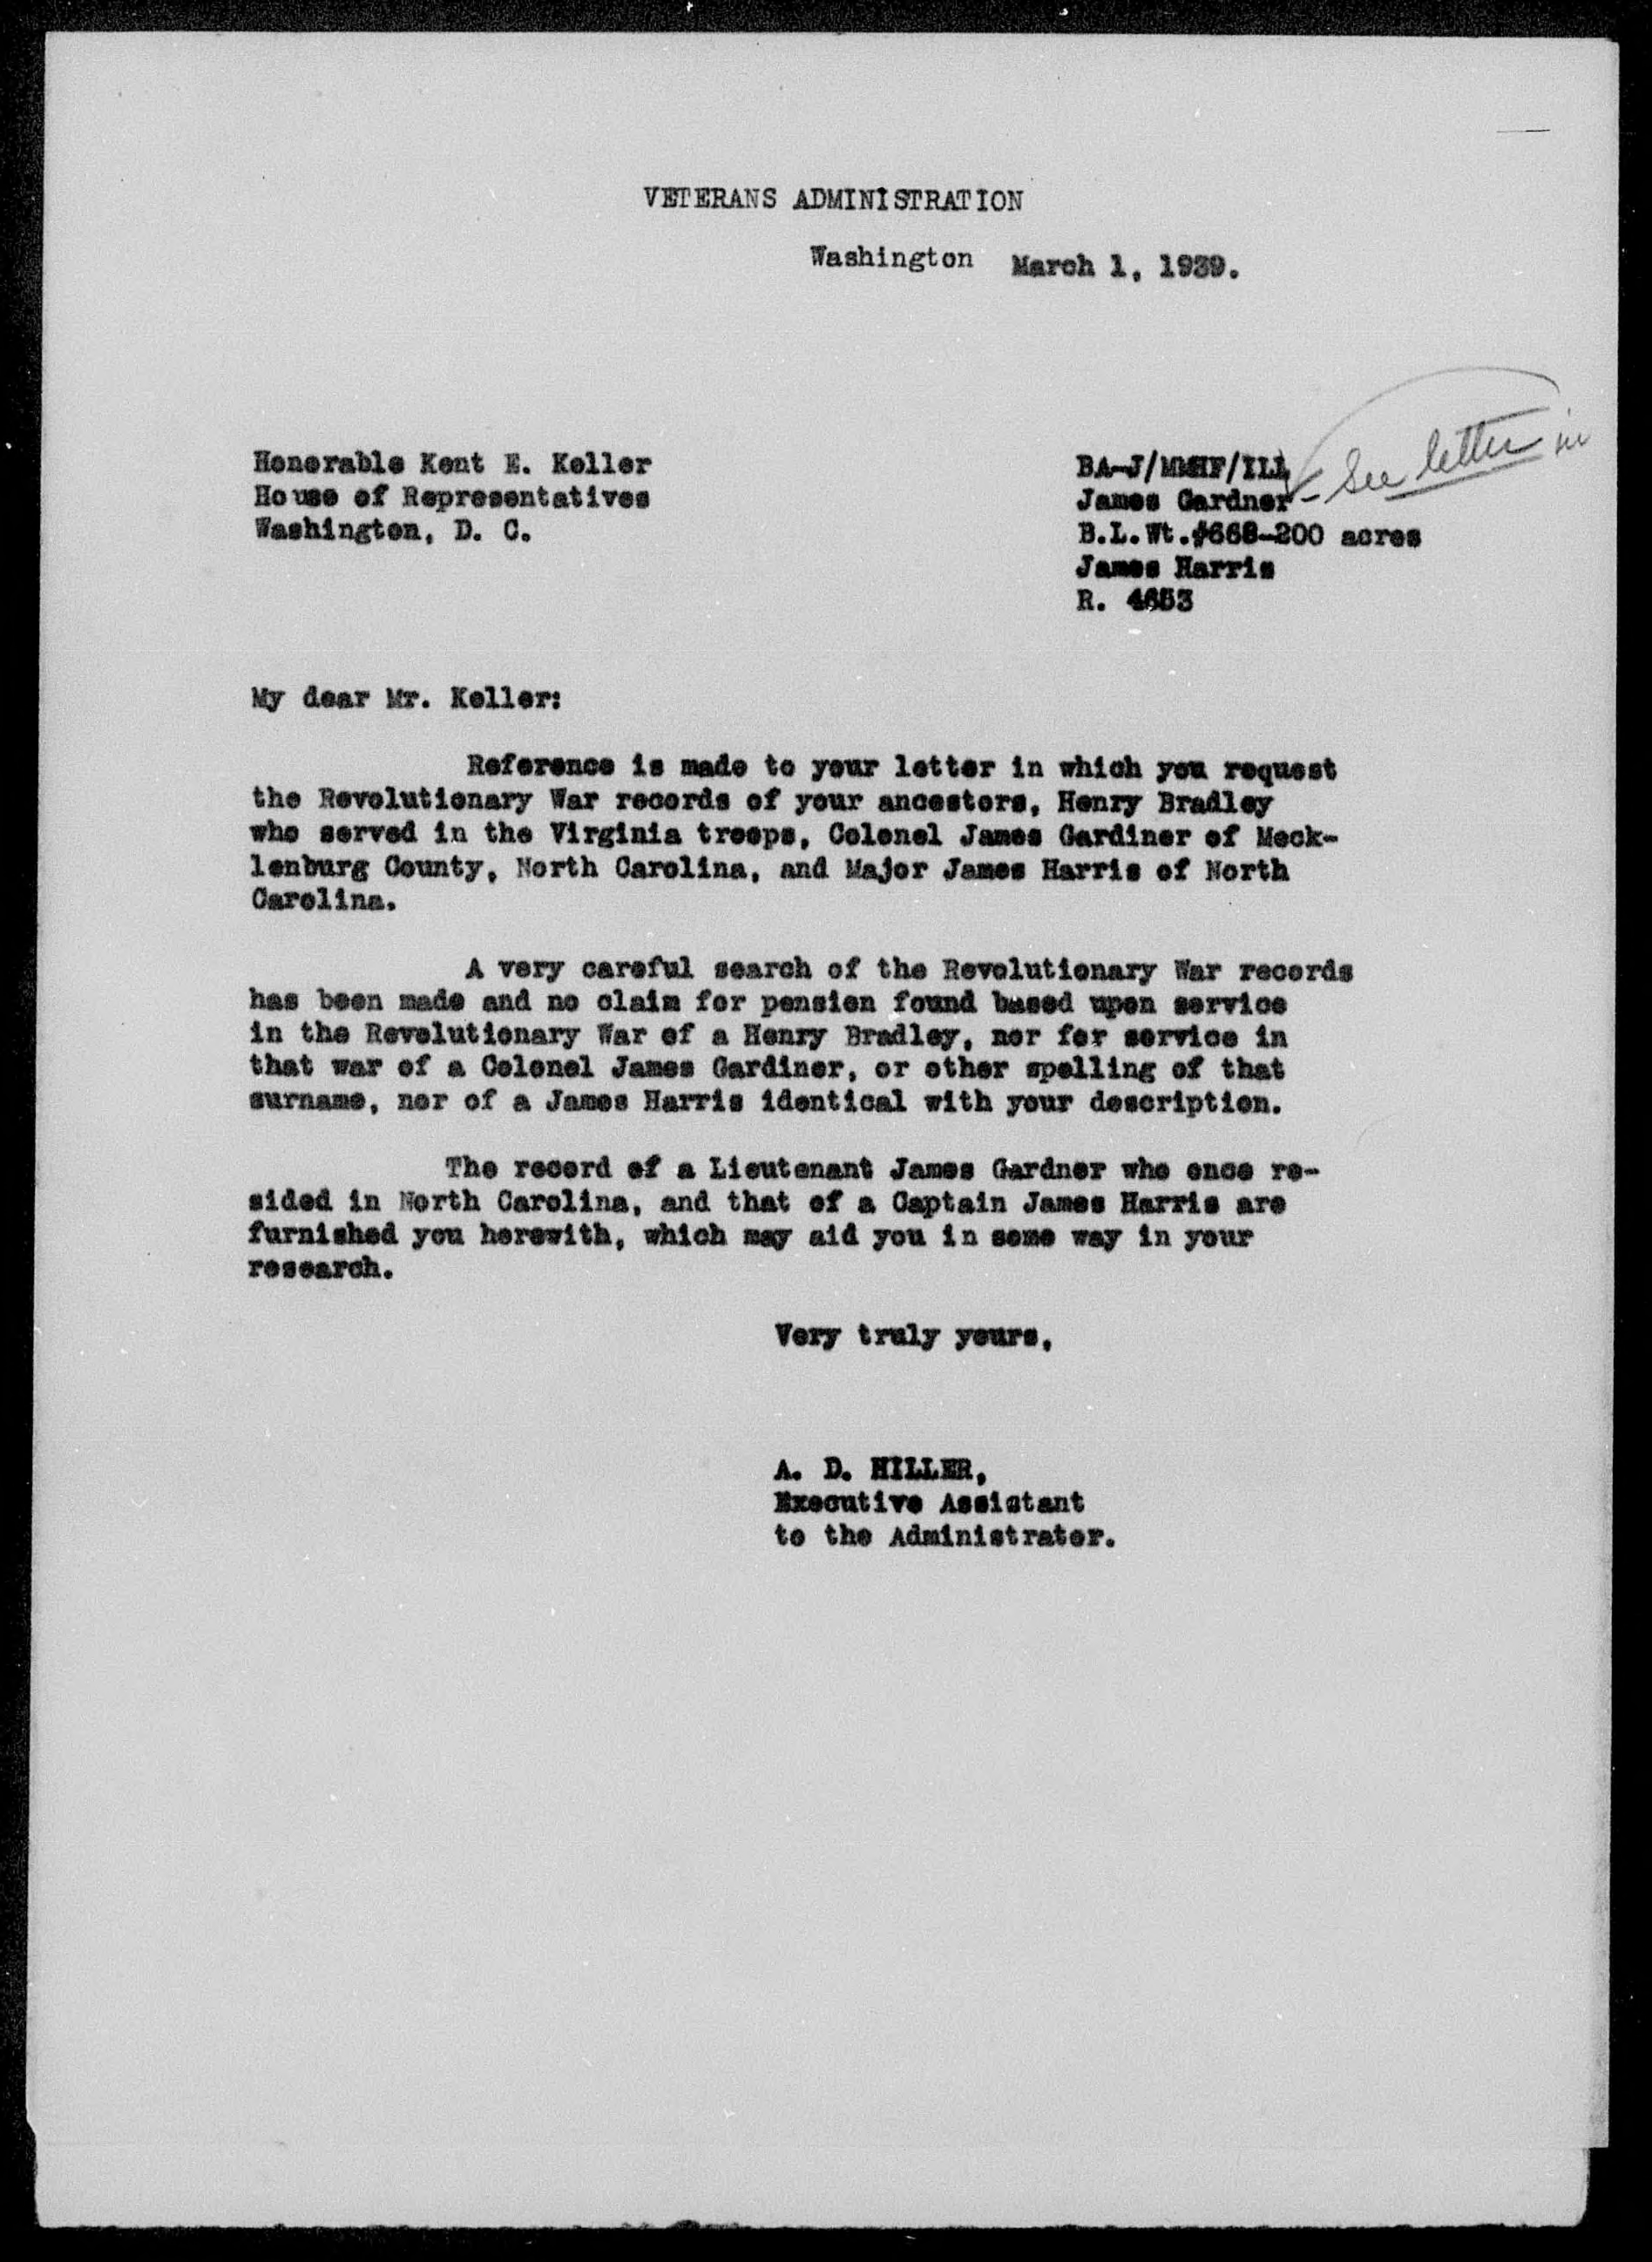VETERANS ADMINISTRATION 
Washington, March 1, 1939.
Honorable Kent E. Keller 
House of Representatives 
Washington D. C.
BA-J/MMHF/ILL
James Gardner
B.L. Wt. #668-200 acres
James Harris
R. 4653
My dear Mr. Keller:
Reference is made to your letter in which you request the Revolutionary War records of your ancestors, Henry Bradley who served in the Virginia troops, Colonel James Gardiner of Mecklenburg County, North Carolina, and Major James Harris of North Carolina.
A very careful search of the Revolutionary War records has been made and no claim for pension found based upon service in the Revolutionary War of a Henry Bradley, her for service in that war of a Colonel James Gardiner, or other spelling of that surname, nor of a James Harris identical with your description. 
The record of a Lieutenant James Gardner who once resided in North Carolina, and that of a Captain James Harris are furnished you herewith, which may aid you in some way in your research. 
Very truly yours, 
A. D. HILLER, 
Executive Assistant to the Administrator.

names: A D Hiller, James Harris, James Gardner, James Gardiner, James Harris, Kent E Keller, Henry Bradley, Henry Bradley, Keller, James Gardiner, James Harris, James Gardner, James Harris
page: 15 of 18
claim: bounty land warrant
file: B. L. Wt. 668-200, James Gardner, Continental Artillery Parents Of N.Y.